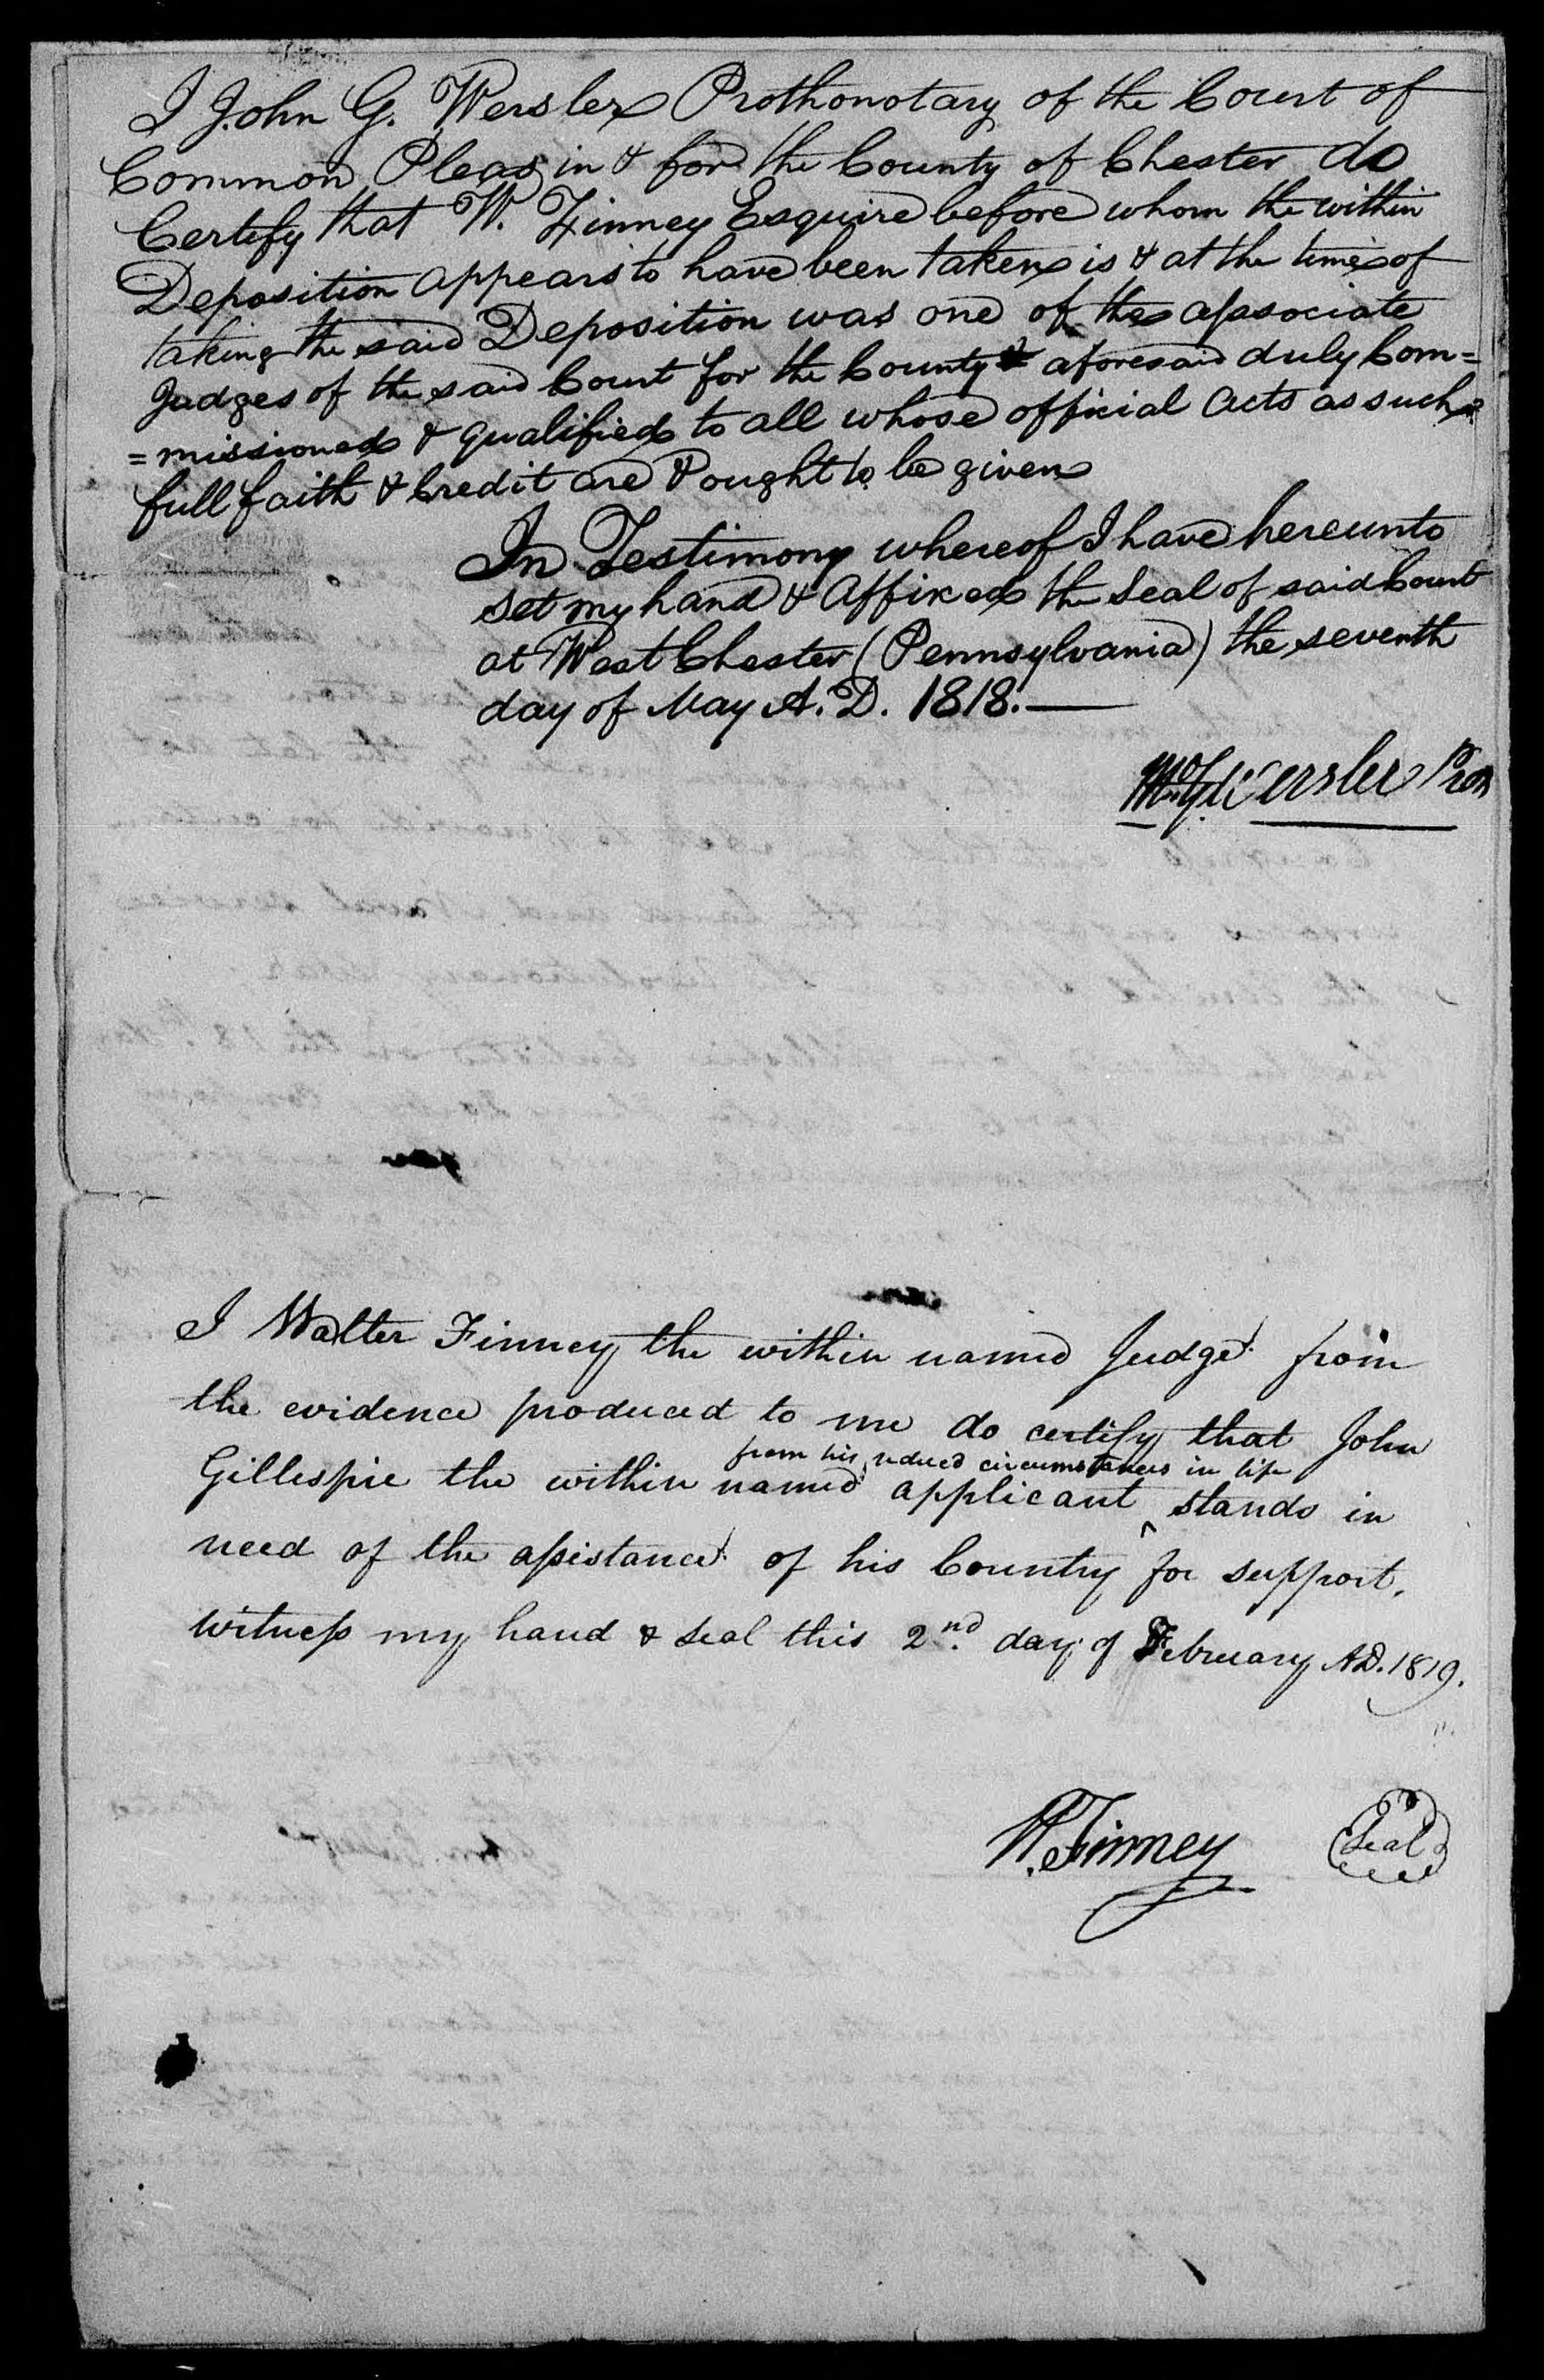I Walter Finney the within named Judge from the evidence produced to me do certify that John Gillespie the within named applicant from his reduced circumstances in life stands in need of the assistance of his Country for support. Witness my hand & seal this 2nd day of February AD 1819
[signed] W. Finney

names: W Finney, Jno G Wersler, John G Wersler, Walter Finney, W Finney, John Gillespie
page: 9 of 20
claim: survivor's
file: S. 41581, John Gillespie, Continental Del.